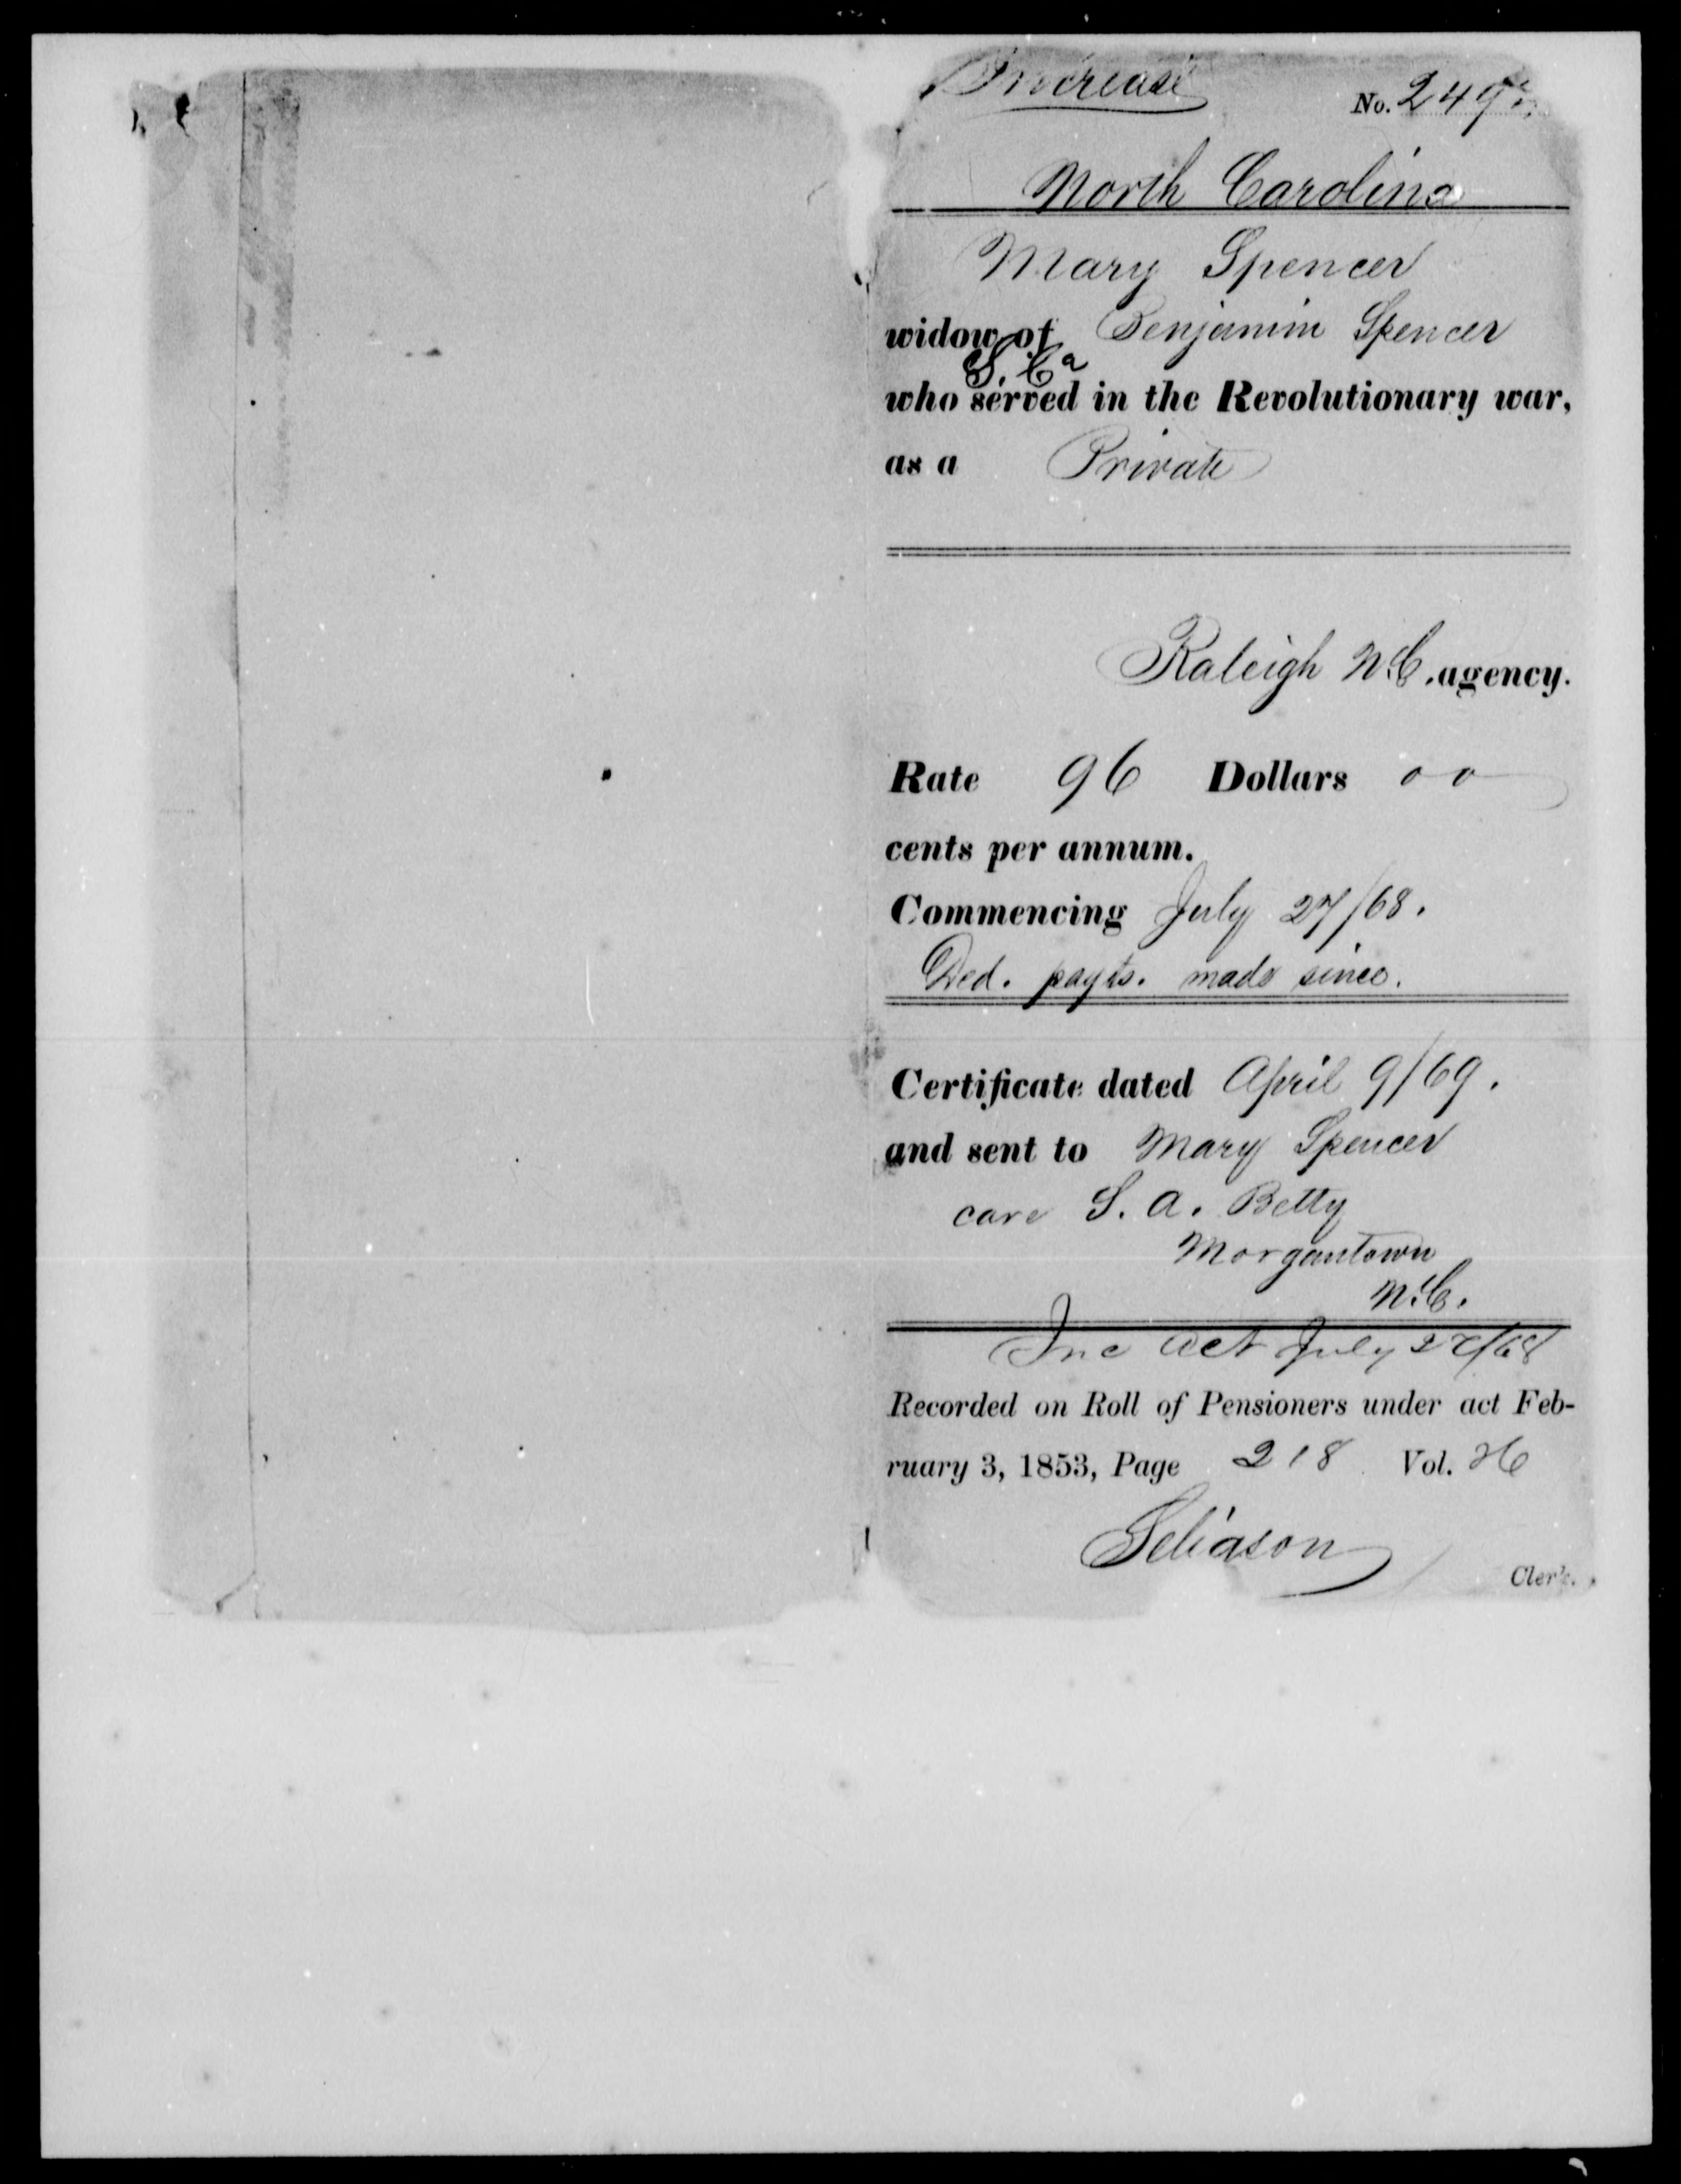Increase No. 29 [illegible]
North Carolina
Mary Spencer
widow of Benjamin Spencer 
S. Ca
who served in the Revolutionary war, as a Private

Raleigh N. C. agency.
Rate 96 Dollars 00
cents per annum.
Commencing July 27/68.
Ded. payts. made since.

Certificate dated April 9/69 and sent to mary Spencer are T. A. Betty
Morgantown N. C. 
Inc Act July 27/68
Recorded on roll of Pensioners under act February 3, 1853 Page 218 Vol. 26
Seligson
Clerk.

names: Mary Spencer; S A Betty; Mary Spencer; Benjamin Spencer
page: 2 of 63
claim: widow's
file: W. 6158, for Benjamin Spencer, North Carolina